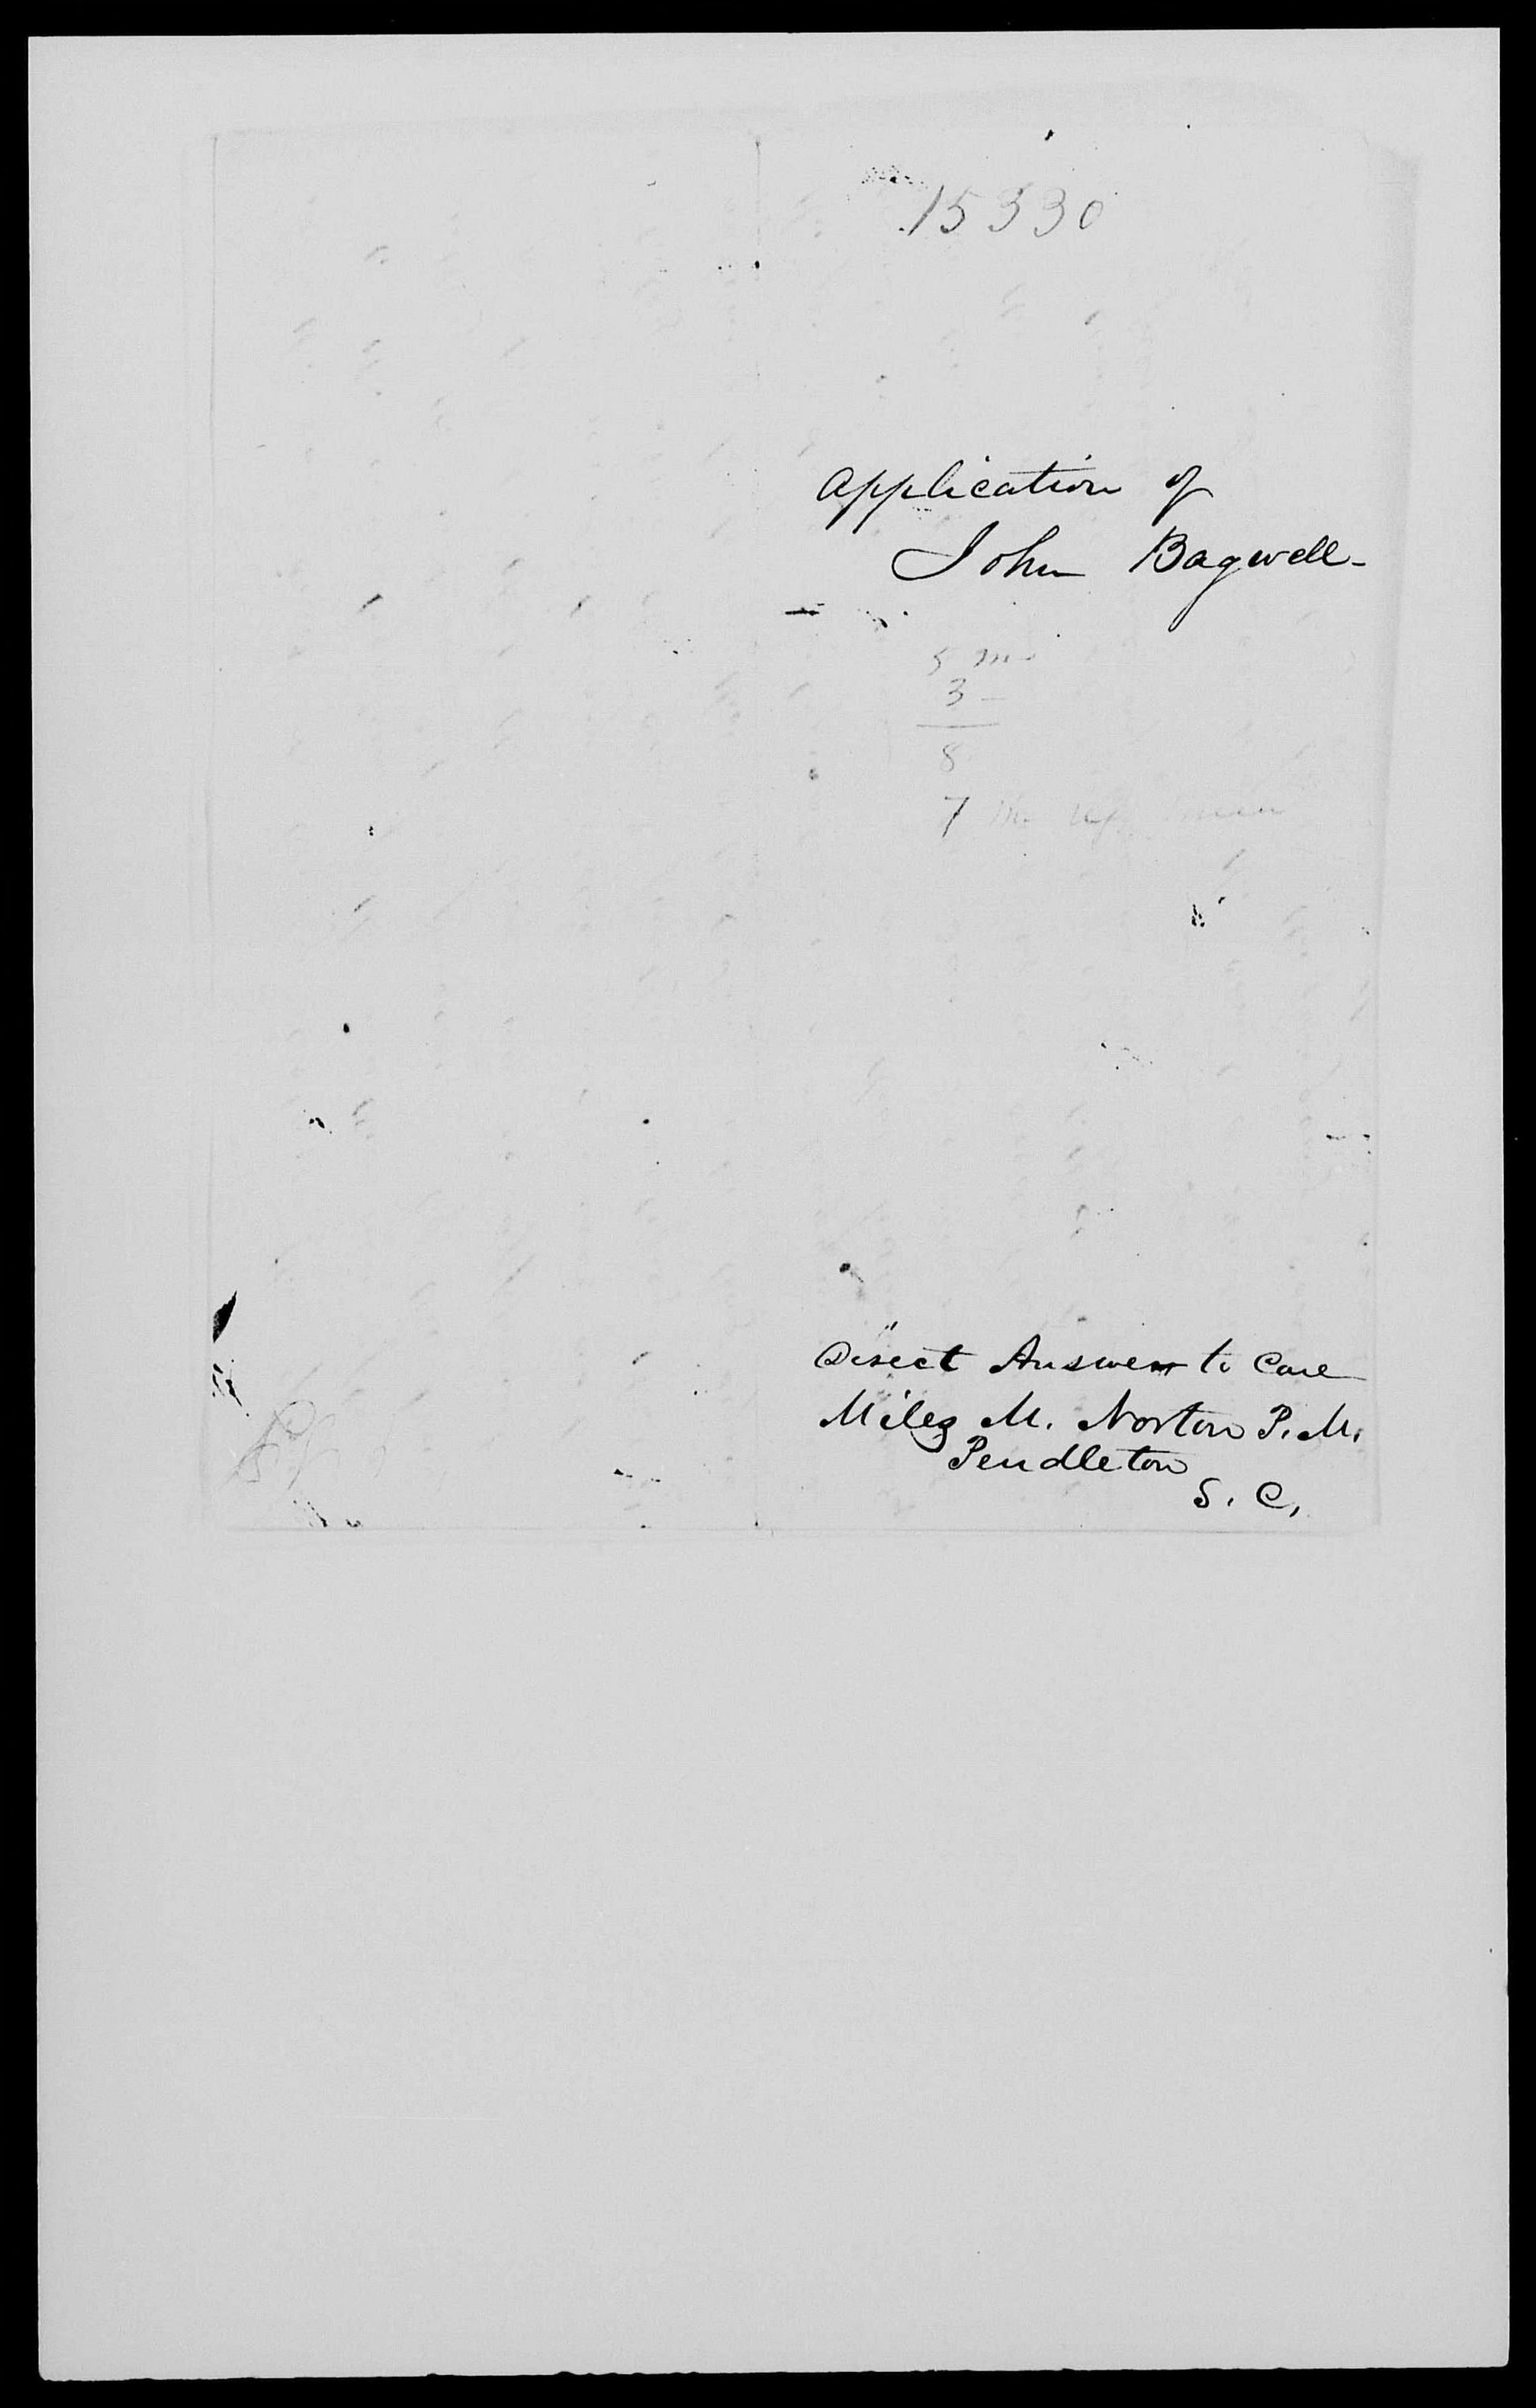75336
application of John Bagwell
Direct Answer to Care
Miles M. Norton [  ]
Pendleton, SC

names: Miles M Norton, John Bagwell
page: 12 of 36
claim: survivor's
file: S 6571, John Bagwell, N.C.